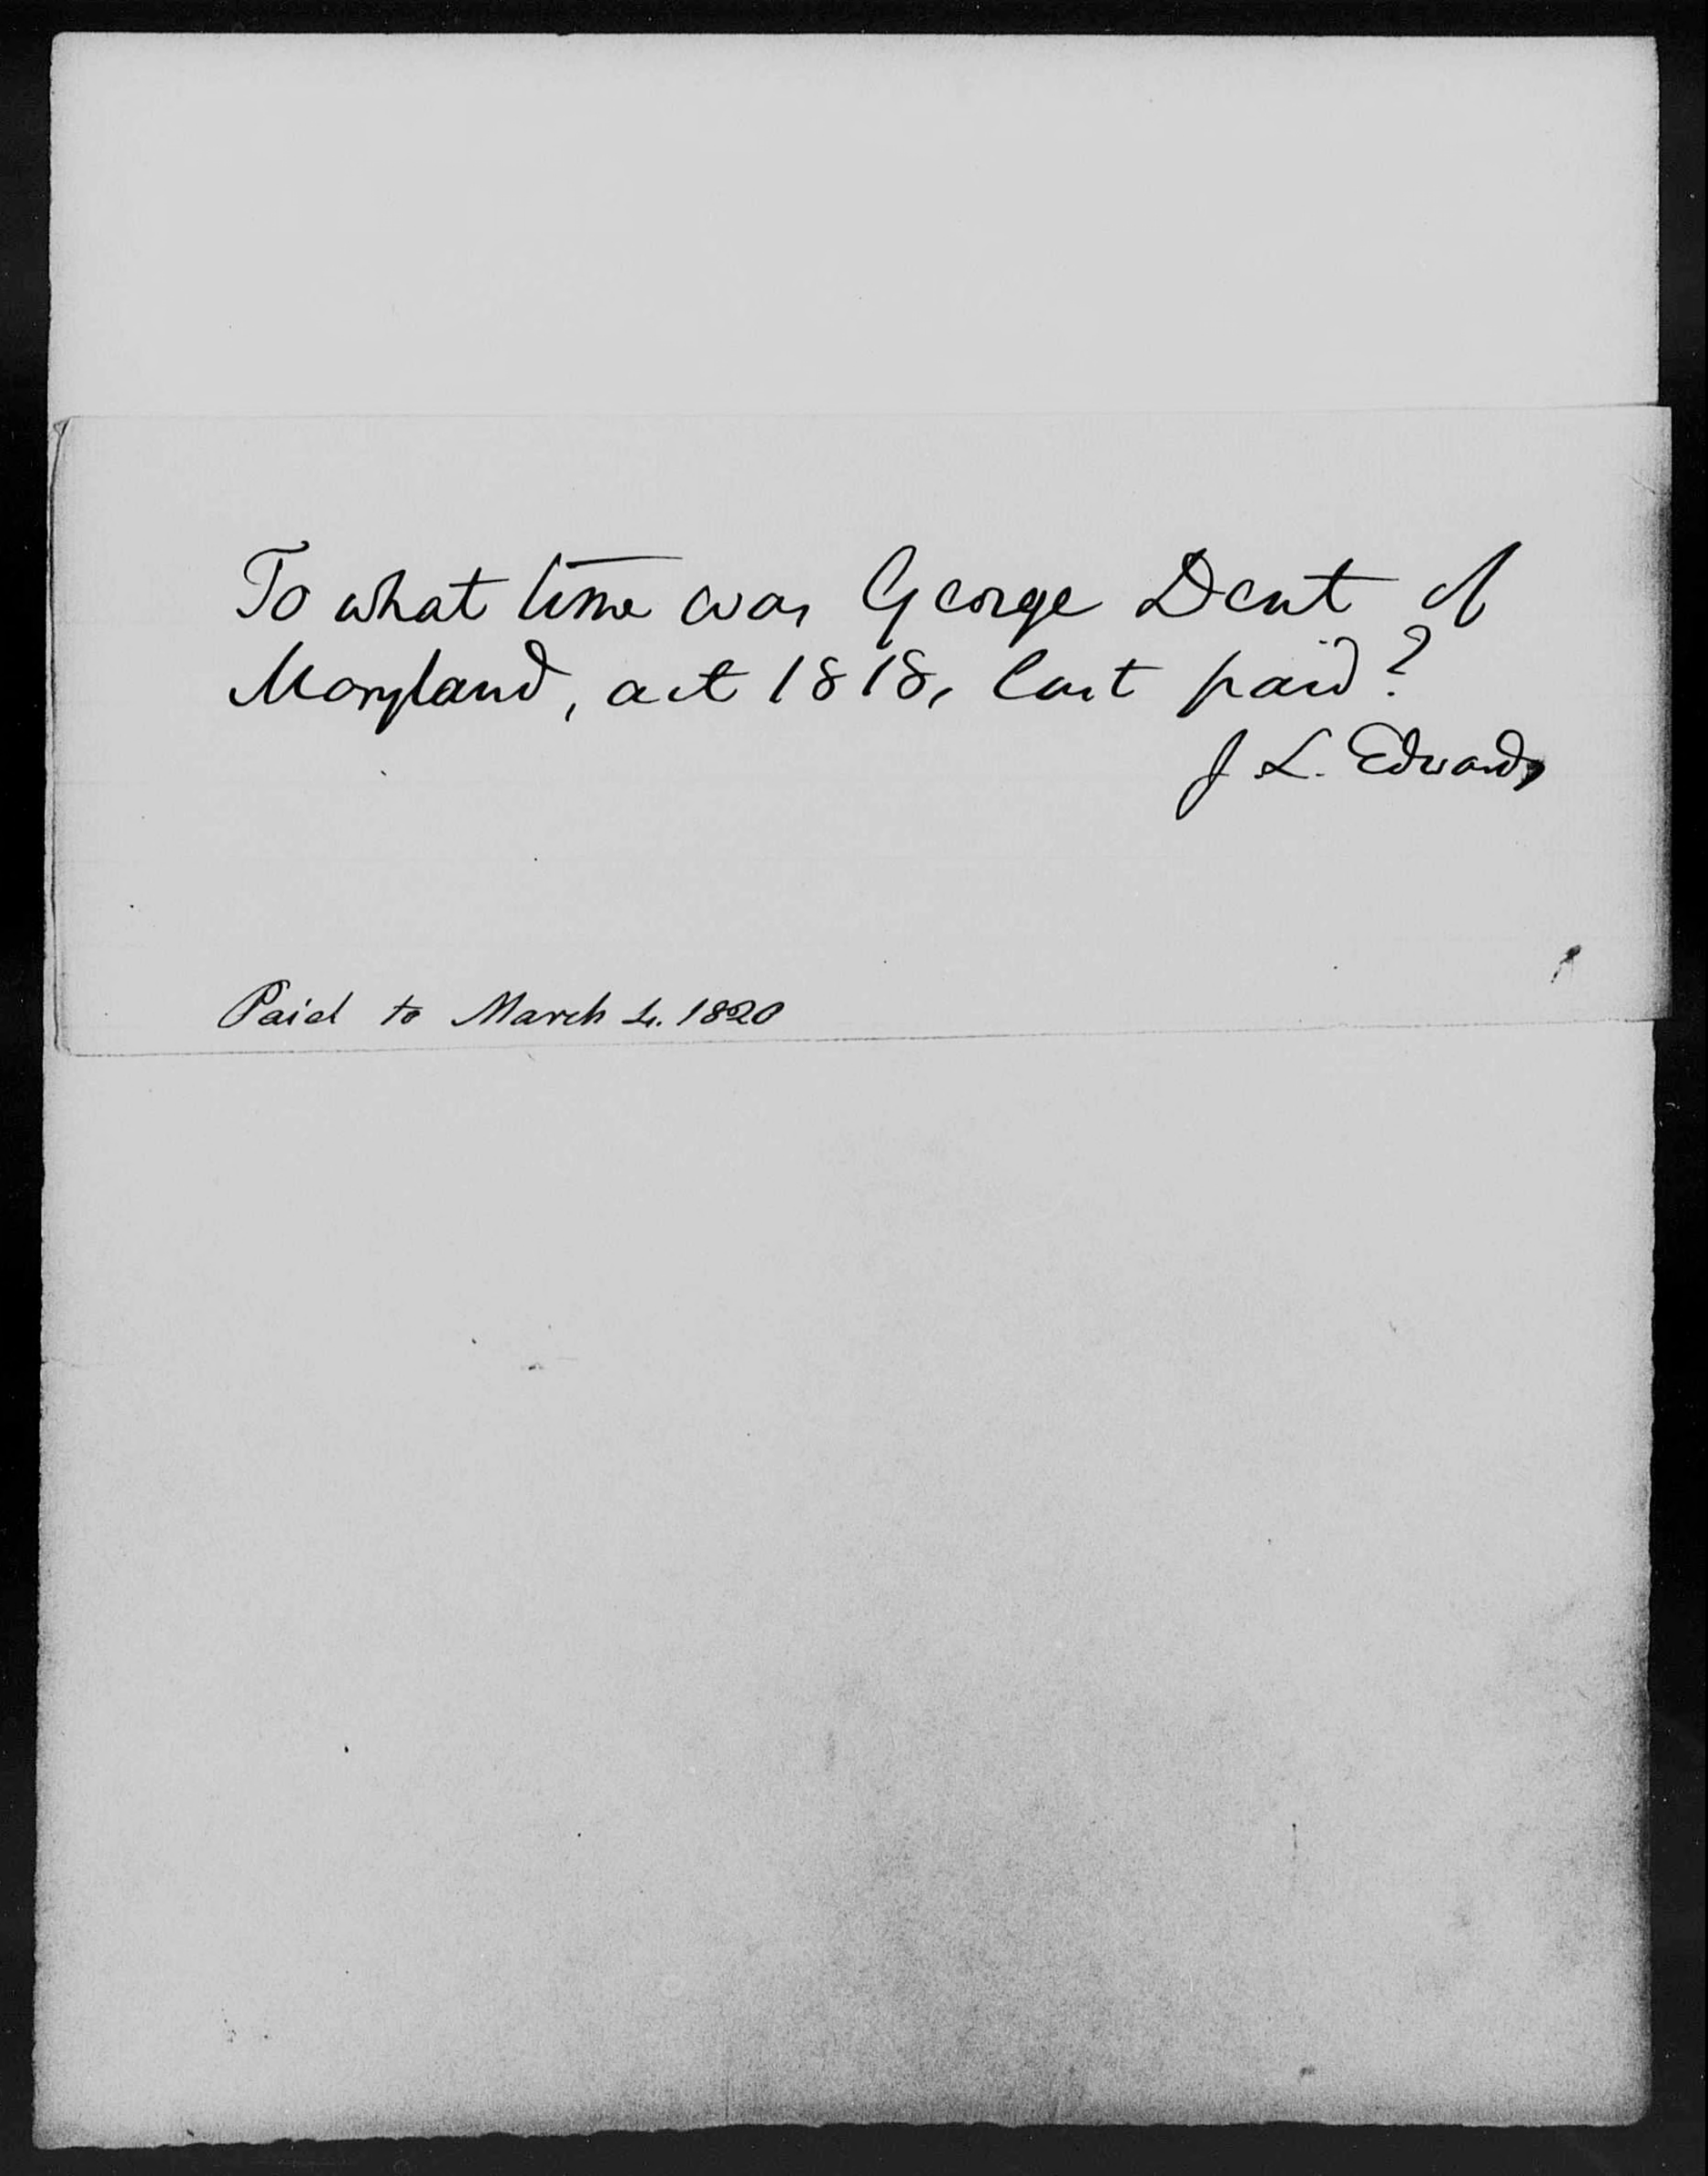To what time was George Dent of Maryland, Act 1818, last paid?

J.L. Edwards

Paid to March 4, 1820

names: J L Edwards, George Dent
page: 43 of 49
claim: survivor's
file: S. 12755, George Dent, Md.